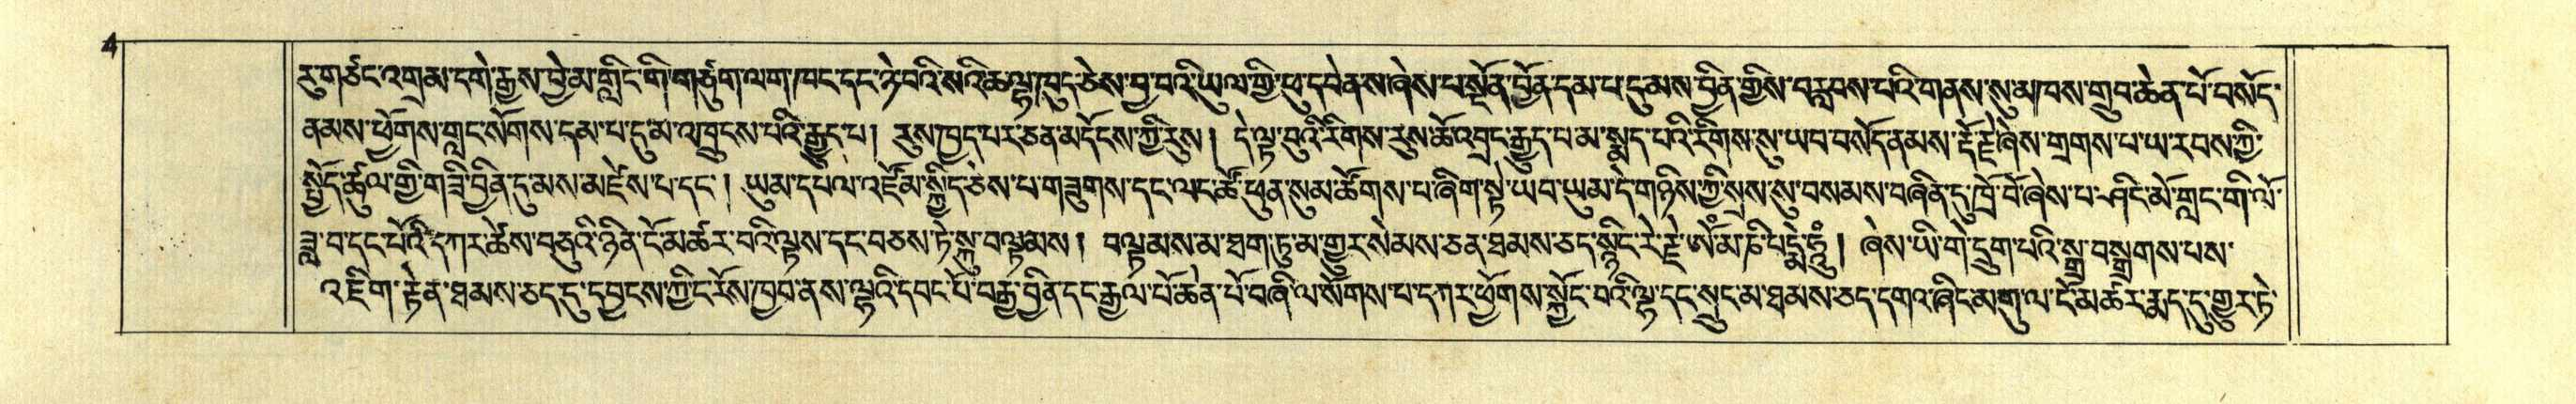རུ་གཙང་འགྲམ་དགེ་རྒྱས་བྱེ་མ་གླིང་གི་གཙུག་ལག་ཁང་དང་ཉེ་བའི་སའི་ཆ་ལྷ་ཁུད་ཅེས་བྱ་བའི་ཡུལ་གྱི་ཕུ་དབེན་ས་ཞེས་པ་སྔོན་བྱོན་དམ་པ་དུ་མས་བྱིན་གྱིས་བརླབས་པའི་གནས་སུ་མཁས་གྲུབ་ཆེན་པོ་བསོད་
ནམས་ཕྱོགས་གླང་སོགས་དམ་པ་དུ་མ་འཁྲུངས་པའི་རྒྱུད་པ། རུས་ཁྱད་པར་ཅན་མདོངས་ཀྱི་རུས། དེ་ལྟ་བུའི་རིགས་རུས་ཆོ་འབྲང་རྒྱུད་པ་མ་སྨད་པའི་རིགས་སུ་ཡབ་བསོད་ནམས་རྡོ་རྗེ་ཞེས་གྲགས་པ་ཡ་རབས་ཀྱི་
སྤྱོད་ཚུལ་གྱི་གཟི་བྱིན་དུ་མས་མཛེས་པ་དང་། ཡུམ་དཔལ་འཛོམ་སྐྱིད་ཅེས་པ་གཟུགས་དང་ལང་ཚོ་ཕུན་སུམ་ཚོགས་པ་ཞིག་སྟེ་ཡབ་ཡུམ་དེ་གཉིས་ཀྱི་སྲས་སུ་བསམས་བཞིན་དུ་ཁྲོ་བོ་ཞེས་པ་ཤིང་མོ་གླང་གི་ལོ་
ཟླ་བ་དང་པོའི་དཀར་ཚེས་བཅུའི་ཉིན་ངོ་མཚར་བའི་ལྟས་དང་བཅས་ཏེ་སྐུ་བལྟམས། བལྟམས་མ་ཐག་ཏུ་མ་གྱུར་སེམས་ཅན་ཐམས་ཅད་སྙིང་རེ་རྗེ་ཨོཾ་མ་ཎི་པདམེ་ཧཱུཾ། ཞེས་ཡི་གེ་དྲུག་པའི་སྒྲ་བསྒྲགས་པས་
འཇིག་རྟེན་ཐམས་ཅད་དུ་དབྱངས་ཀྱི་ང་རོས་ཁྱབ་ནས་ལྷའི་དབང་པོ་བརྒྱ་བྱིན་དང་རྒྱལ་པོ་ཆེན་པོ་བཞི་ལ་སོགས་པ་དཀར་ཕྱོགས་སྐྱོང་བའི་ལྷ་དང་སྲུང་མ་ཐམས་ཅད་དགའ་ཞིང་མགུ་ལ་ངོ་མཚར་རྨད་དུ་གྱུར་ཏེ་